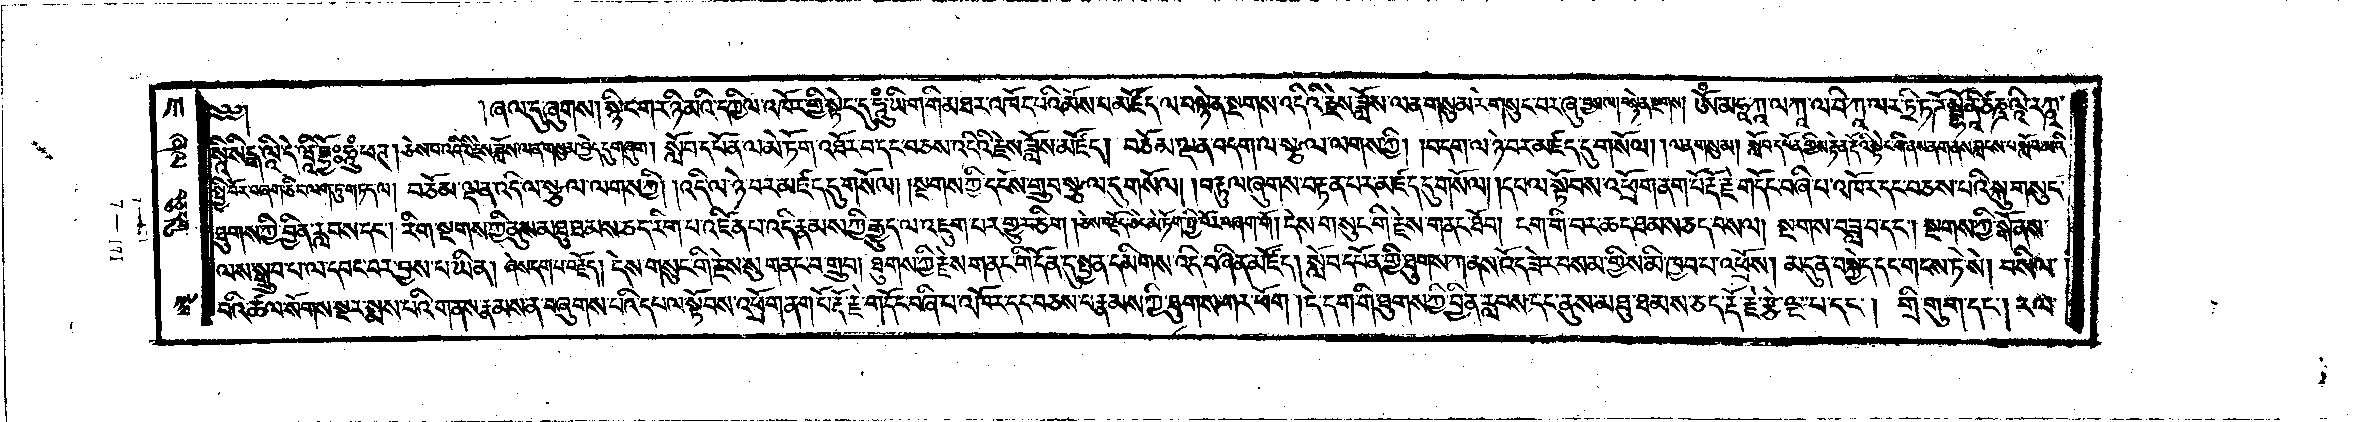༄༅། །ཞལ་དུ་ཞུགས། སྙིང་མར་ཉི་མའི་དཀྱིལ་འཁོར་གྱི་སྟེང་དུ་ཧཱུཾ་ཡིག་གི་མཐར་འཁོད་པའི་མོས་པ་མཛོད་ལ་བསྙེན་སྔགས་འདིའི་རྗེས་ཟློས་ལན་གསུམ་རེ་གསུང་བར་ཞུ་བྱས་ལ། བསྙེན་སྔགས།  ཨོཾ་མཧཱ་ཀཱ་ལ་ཀཱ་ལ་བི་ཀཱ་ལ་ར་ཏྲིཏ་ཌོམྦྷོ་ནཱི་ཙཎྜ་ལཱི་རཀྵ་
སཱི་སིངྒ་ལཱི་དེ་ཝཱི་བྷྱོཿཧཱུཾ་ཕཊ། ཅེས་པ་འདིའི་རྗེས་ཟློས་ལན་གསུམ་བྱེད་དུ་གཞུག།  སློབ་དཔོན་ལ་མེ་ཏོག་འཐོར་བ་དང་བཅས་འདིའི་རྗེས་ཟློས་མཛོད། བཅོམ་ལྡན་བདག་ལ་སྩལ་ལགས་ཀྱི། །བདག་ལ་ཉེ་བར་མཛད་དུ་གསོལ། །ལན་གསུམ། སློབ་དཔོན་གྱིས་རྟེན་རྡོའི་སྟེང་གི་ནས་ནག་ནས་བླངས་པ་སློབ་མའི་
སྤྱི་བོར་དག་ཅིང་ལག་ཏུ་གཏད་ལ།  བཅོམ་ལྡན་འདི་ལ་སྩལ་ལགས་ཀྱི། །འདི་ལ་ཉེ་བར་མཛད་དུ་གསོལ། །སྔགས་ཀྱི་དངས་གྲུབ་སྩལ་དུ་གསོལ། །བརྟུལ་ཞུགས་བརྟན་པར་མཛད་དུ་གསོལ། །དཔལ་སྟོབས་འཕྲོག་ནག་པོ་རྡོ་རྗེ་གདོང་བཞི་པ་འཁོར་དང་བཅས་པའི་སྐུ་གསུང་
ཐུགས་ཀྱི་བྱིན་རླབས་དང་། རིག་སྔགས་ཀྱི་ནུས་མཐུ་ཐམས་ཅད་རིག་པ་འཛིན་པ་འདི་རྣམས་ཀྱི་རྒྱུད་ལ་འཇུག་པར་གྱུར་ཅིག་།ཅེས་བརྗོད་ཅིང་མེ་ཏོག་སྤྱི་བོར་བཞག་གོ།  དེས་གསུང་གི་རྗེས་གནང་ཐོབ། ངག་གི་བར་ཆད་ཐམས་ཅད་བསལ། སྔགས་བཟླ་བ་དང་། སྔགས་ཀྱི་སྒོ་ནས་
ལས་སྒྲུབ་པ་ལ་དབང་བར་བྱས་པ་ཡིན། ཞེས་དག་པ་བརྗོད།  དེས་གསུང་གི་རྗེས་སུ་གནང་བ་གྲུབ། ཐུགས་ཀྱི་རྗེས་གནང་གི་དོན་དུ་སྤྱན་དམིགས་འདི་བཞིན་མཛོད། སློབ་དཔོན་གྱི་ཐུགས་ཀ་ནས་འོད་ཟེར་བསམ་གྱིས་མི་ཁྱབ་པ་འཕྲོས། མདུན་བསྐྱེད་དང་གངས་ཏེ་སེ། བསིལ་
པའི་ཚལ་སོགས་སྔར་སྨོས་པའི་གནས་རྣམས་ན་བཞུགས་པའི་དཔལ་སྟོབས་འཕྲོག་ནག་པོ་རྡོ་རྗེ་གདོང་བཞི་པ་འཁོར་དང་བཅས་པ་རྣམས་ཀྱི་ཐུགས་ཀར་ཕོག །དེ་དག་གི་ཐུགས་ཀྱི་བྱིན་རླབས་དང་ནུས་མཐུ་ཐམས་ཅད་རྡོ་རྗེ་རྩེ་ལྔ་པ་དང་། གྲི་གུག་དང་། རལ་